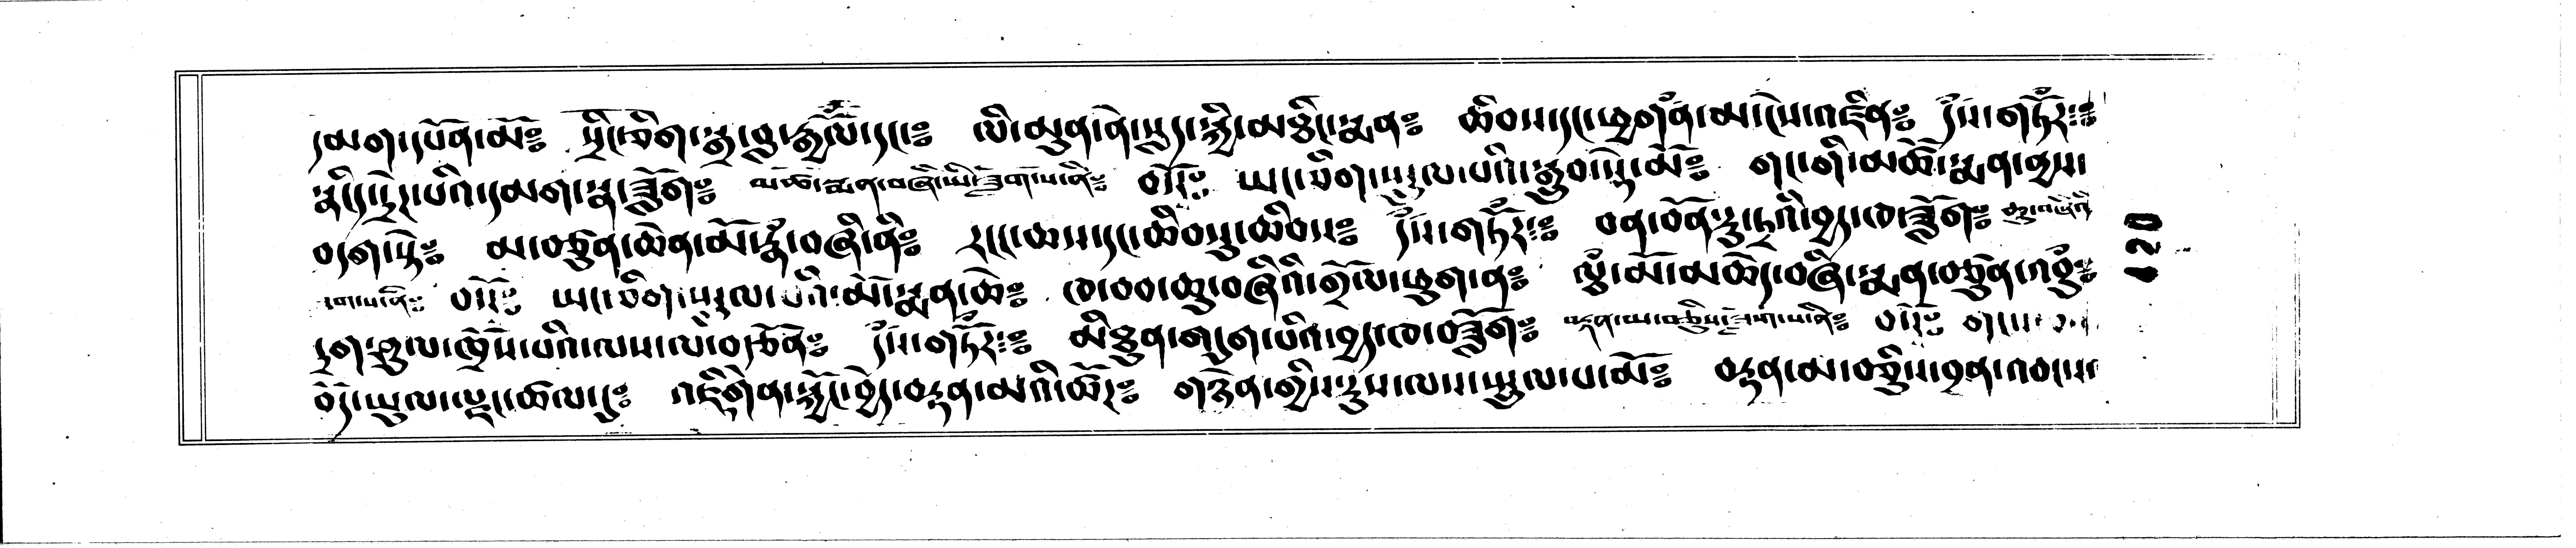དམག་དཔོན་མོ༔སྲིང་ཅིག་སྒྲ་བླ་རྒྱལ་མོ་དང༔ལི་མུན་ནེ་སླས་སྐྱི་མཐིང་སྨན༔ཆིབས་དང་ཕྱག་མཚན་མ་ངེས་འཛིན༔དམ་རྫས་དམར་གཏོར་འདི་བཞེས་ལ༔༔ 
སྣང་སྲིད་དྲེགས་པའི་དམག་སྣ་ཟློག༔མཚོ་སྨན་བཞི་ཡི་ཟློག་པ་ནི༔བསྭོ༔ཡང་ཅིག་སྤྲུལ་པའི་སྒྲུབ་སྡེ་མོ༔གང་གི་མཚོ་སྨན་ནྱས་
བདག་སྟེ༔མ་བཙུན་ཆེན་མོ་རྣམ་བཞི་ནི༔རང་རང་ཆས་དང་ཆིབས་སུ་ཆིབས༔ དམ་རྫས་དམར་གཏོར་འདི་བཞེས་ལ༔ བན་བོན་རུ་ཏྲའི་བྱད་ཁ་ཟློག༔ ཆུ་བཞིའི་
དག་པ་ནི༔བསྭོ༔ཡང་ཅིག་སྤྲུལ་པའི་མོ་སྨན་ཆེ༔ཁ་བབ་ཆུ་བཞིའི་གྲོལ་ཕུག་ན༔ལྕམ་མོ་མཆེད་བཞི་སྨན་བཙུན་འབུམ༔
དྲག་ཤུལ་ཁྲོས་པའི་ལས་ལ་བརྩོན༔དམ་རྫས་དམར་གཏོར་འདི་བཞེས་ལ༔ མི་མཐུན་གདུག་པའི་བྱད་ཁ་བཟློག༔ བརྟན་མ་བཅུ་གཉིས་ཟློག་པ་ནི༔བསྭོ༔གངས་ཅན་
བོད་ཡུལ་ལྗང་ཚལ་དུ༔འཇིག་རྟེན་སྐྱོང་བྱེད་བརྟན་མའི་ཚོགས༔གཉེན་གྱི་རུས་ལས་སྤྲུལ་པ་མོ༔བརྟན་མ་བཅུ་གཉིས་བྲན་འབངས་